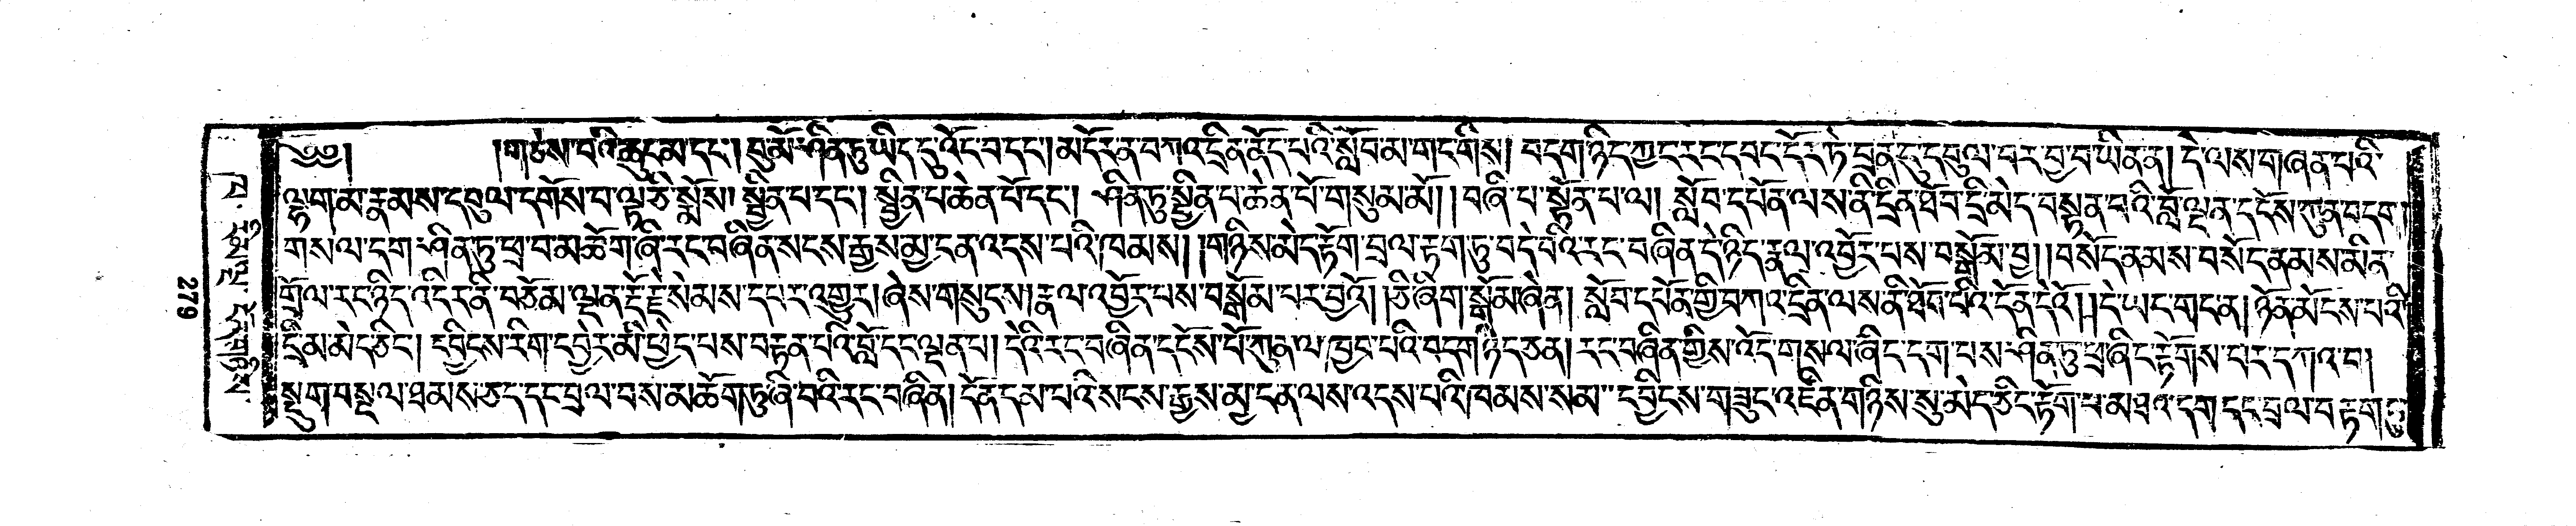༄༅། །གཅེས་པའི་ཆུང་མ་དང་། བུ་མོ་ཤིན་ཏུ་ཡིད་དུ་འོང་བ་དང་། མདོར་ན་བཀའ་དྲིན་ནོད་པའི་སློབ་མ་གང་གིས། བདག་ཉིད་ཀྱང་རང་དབང་དོར་ཏེ་བྲན་དུ་དབུལ་བར་བྱ་བ་ཡིན་ན། དེ་ལས་གཞན་པའི་
ལྷག་མ་རྣམས་དབུལ་དགོས་པ་ལྟ་ཅི་སྨོས། སྦྱིན་པ་དང་། སྦྱིན་པ་ཆེན་པོ་དང་། ཤིན་ཏུ་སྦྱིན་པ་ཆེན་པོ་གསུམ་མོ། །བཞི་པ་སྟོན་པ་ལ། སློབ་དཔོན་ལས་ནི་དྲིན་ཐོབ་དྲི་མེད་བསྟན་པའི་བློ་ལྡན་དངོས་ཀུན་བདག །
གསལ་དག་ཤིན་ཏུ་ཕྲ་བ་མཆོག་ཞི་རང་བཞིན་སངས་རྒྱས་མྱ་ངན་འདས་པའི་ཁམས། །གཉིས་མེད་རྟོག་བྲལ་རྟག་ཏུ་བདེ་བའི་རང་བཞིན་དེ་ཉིད་རྣལ་འབྱོར་པས་བསྒོམ་བྱ། །བསོད་ནམས་བསོད་ནམས་མིན་
གྲོལ་རང་ཉིད་འདིར་ནི་བཅོམ་ལྡན་རྡོ་རྗེ་སེམས་དབར་འགྱུར། ཞེས་གསུངས། རྣལ་འབྱོར་བས་བསྒོམ་པར་བྱའོ། །ཅི་ཞིག་སྒོམ་ཞེ་ན། སློབ་དཔོན་གྱི་བཀའ་དྲིན་ལས་ནི་ཐོབ་པའི་དོན་དེའོ། །དེ་ཡང་གང་ན། ཉོན་མོངས་པའི་
དྲི་མ་མེད་ཅིང་། དབྱིངས་རིག་དབྱེར་མི་ཕྱེད་པས་བརྟན་པའི་བློ་དང་ལྡན་པ། དེའི་རང་བཞིན་དངོས་པོ་ཀུན་ལ་ཁྱབ་པའི་བདག་ཉིད་ཅན། རང་བཞིན་གྱིས་འོད་གསལ་ཞིང་དག་པས་ཤིན་ཏུ་ཕྲ་ཞིང་རྟོགས་པར་དཀའ་བ།
སྡུག་བསྔལ་ཐམས་ཅད་དང་བྲལ་བས་མཆོག་ཏུ་ཞི་བའི་རང་བཞིན། དོན་དམ་པའི་སངས་རྒྱས་མྱ་ངན་ལས་འདས་པའི་ཁམས་སམ་དབྱིངས་གཟུང་འཛིན་གཉིས་སུ་མེད་ཅིང་རྟོག་པ་མཐའ་དག་དང་བྲལ་བ་རྟག་ཏུ་